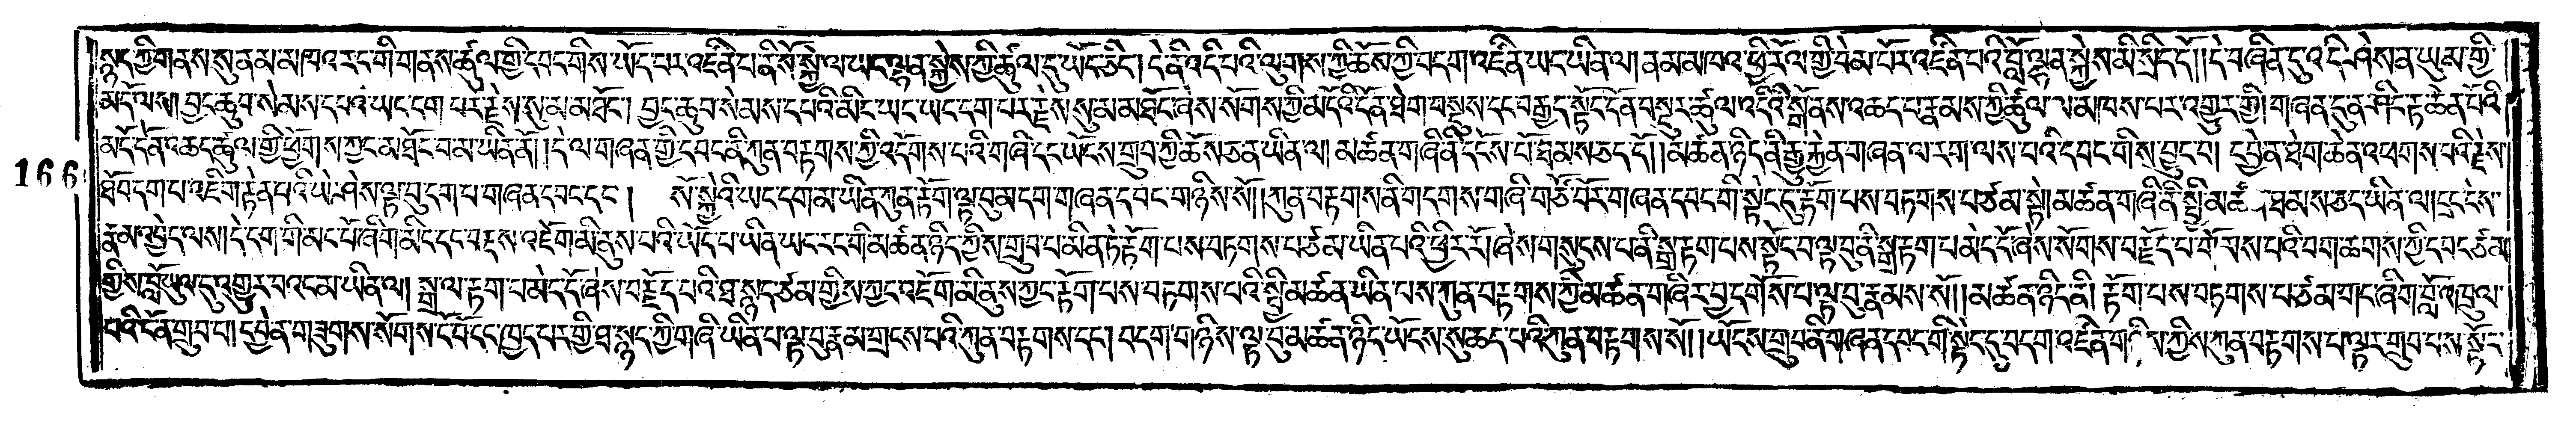སྙད་ཀྱི་གནས་སུ་ནམ་མཁའ་རང་གི་གནས་ཚུལ་གྱི་དབང་གིས་ཡོད་པར་འཛིན་པ་ནི་སོ་སྐྱེ་ལ་ཡང་ལྷན་སྐྱེས་ཀྱི་ཚུལ་དུ་ཡོད་ཅིང་། དེ་ནི་འདི་པའི་ལུགས་ཀྱི་ཆོས་ཀྱི་བདག་འཛིན་ཡང་ཡིན་ལ། ནམ་མཁའ་ཕྱི་རོལ་གྱི་བེམ་པོར་འཛིན་པའི་བློ་ལྷན་སྐྱེས་མི་སྲིད་དོ། །དེ་བཞིན་དུ་འདི་ཤེས་ན་ཡུམ་གྱི་
མདོ་ལས། བྱང་ཆུབ་སེམས་དཔའ་ཡང་དག་པར་རྗེས་སུ་མ་མཐོང་། བྱང་ཆུབ་སེམས་དཔའི་མིང་ཡང་ཡང་དག་པར་རྗེས་སུ་མ་མཐོང་ཞེས་སོགས་ཀྱི་མདོའི་དོན་ཐེག་བསྡུས་དང་བརྒྱད་སྟོང་དོན་བསྡུར་ཚུལ་འདིའི་སྒོ་ནས་འཆད་པ་རྣམས་ཀྱི་ཚུལ་ལ་མཁས་པར་འགྱུར་གྱི། གཞན་དུ་ན་ཤིང་རྟ་ཆེན་པོའི་
མདོ་དོན་འཆད་ཚུལ་གྱི་ཕྱོགས་ཀྱང་མཐོང་བ་མ་ཡིན་ནོ། །དེ་ལ་གཞན་གྱི་དབང་ནི་ཀུན་བརྟགས་ཀྱི་འདོགས་པའི་གཞི་དང་ཡོངས་གྲུབ་ཀྱི་ཆོས་ཅན་ཡིན་ལ། མཚན་གཞི་ནི་དངོས་པོ་ཐམས་ཅད་དོ། །མཚན་ཉིད་ནི་རྒྱུ་རྐྱེན་གཞན་ལ་རག་ལས་པའི་དབང་གིས་བྱུང་བ། དབྱེ་ན་ཐེག་ཆེན་འབགས་པའི་རྗེས་
ཐོབ་དག་པ་འཇིག་རྟེན་པའི་ཡེ་ཤེས་ལྟ་བུ་དག་པ་གཞན་དབང་དང་། སོ་སྐྱེའི་ཡང་དག་མ་ཡིན་ཀུན་རྟོག་ལྟ་བུ་མ་དག་གཞན་དབང་གཉིས་སོ། །ཀུན་བརྟགས་ནི་གདགས་གཞི་གཙོ་བོར་གཞན་དབང་གི་སྟེང་དུ་རྟོག་པས་བཏགས་པ་ཙམ་སྟེ། མཚན་གཞི་ནི་སྤྱི་མཚན་ཐམས་ཅད་ཡིན་ལ། དྲང་ངེས་
རྣམ་འབྱེད་ལས། དེ་དག་གི་མང་པོ་ཞིག་མིང་དང་བརྡས་འཇོག་མི་ནུས་པའི་ཡོད་པ་ཡིན་ཡང་རང་གི་མཚན་ཉིད་ཀྱིས་གྲུབ་པ་མིན་ཏེ་རྟོག་པས་བཏགས་པ་ཙམ་ཡིན་པའི་ཕྱིར། ཞེས་གསུངས་པ་ནི་སྒྲ་རྟག་པས་སྟོང་པ་ལྟ་བུ་ནི་སྒྲ་རྟག་པ་མེད་དོ་ཞེས་སོགས་བརྗོད་པ་གོམས་པའི་བག་ཆགས་ཀྱི་དབང་ཙམ་
གྱིས་བློ་ཡུལ་དུ་འགྱུར་བའང་མ་ཡིན་ལ། སྒྲ་ལ་རྟག་པ་མེད་དོ་ཞེས་བརྗོད་པའི་ཐ་སྙད་ཙམ་གྱིས་ཀྱང་འཇོག་མི་ནུས་ཀྱང་རྟོག་པས་བཏགས་པའི་སྤྱི་མཚན་ཡིན་པས་ཀུན་བརྟགས་ཀྱི་མཚན་གཞིར་བྱ་དགོས་པ་ལྟ་བུ་རྣམས་སོ། །མཚན་ཉིད་ནི། རྟོག་པས་བཏགས་པ་ཙམ་གང་ཞིག་བློ་འཁྲུལ་
བའི་དོན་གྲུབ་པ། དབྱེ་ན་གཟུགས་སོགས་ངོ་བོ་དང་ཁྱད་པར་གྱི་ཐ་སྙད་ཀྱི་གཞི་ཡིན་པ་ལྟ་བུ་རྣམ་གྲངས་བའི་ཀུན་བརྟགས་དང་། བདག་གཉིས་ལྟ་བུ་མཚན་ཉིད་ཡོངས་སུ་ཆད་པའི་ཀུན་བརྟགས་སོ། །ཡོངས་གྲུབ་ནི་གཞན་དབང་གི་སྟེང་དུ་བདག་འཛིན་གཉིས་ཀྱིས་ཀུན་བརྟགས་པ་ལྟར་གྲུབ་པས་སྟོང་